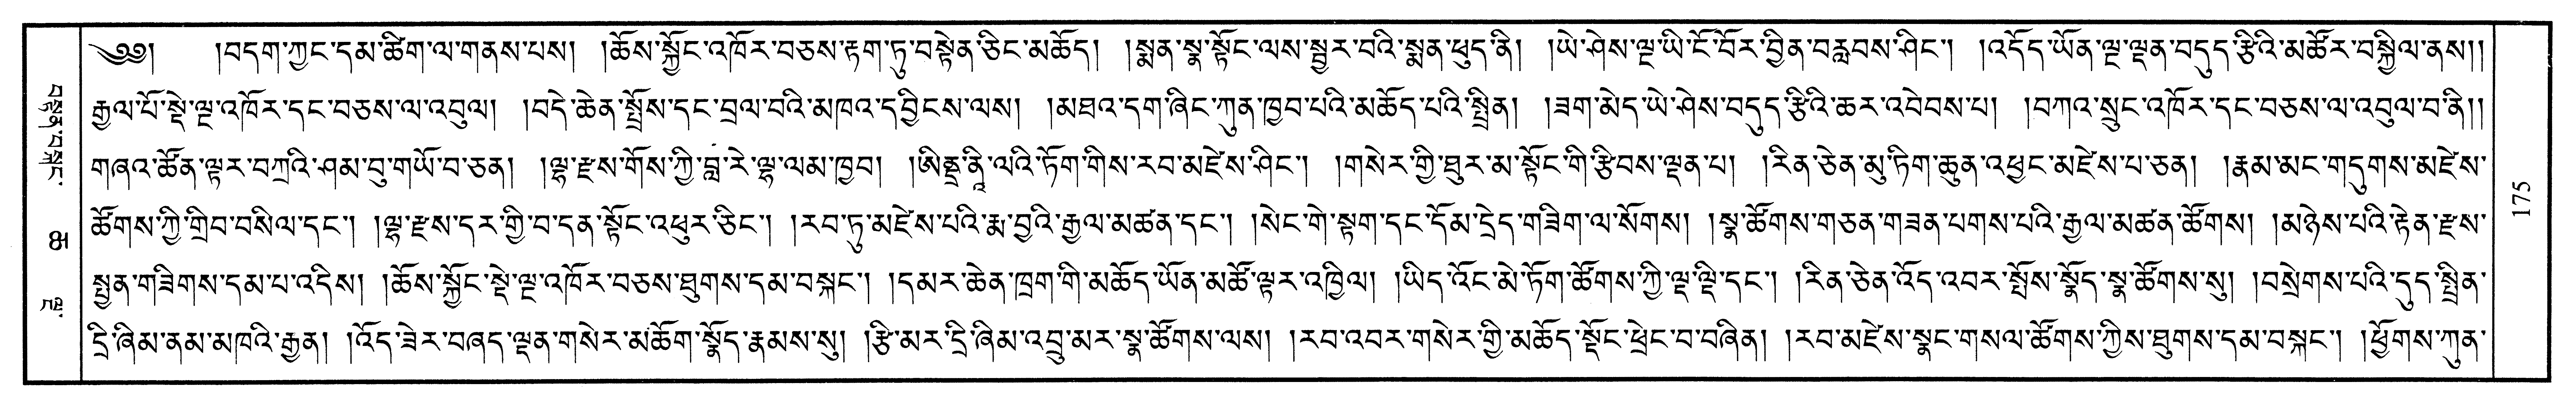༄༅། །བདག་ཀྱང་དམ་ཚིག་ལ་གནས་པས། །ཆོས་སྐྱོང་འཁོར་བཅས་རྟག་ཏུ་བསྟེན་ཅིང་མཆོད། །སྨན་སྣ་སྟོང་ལས་སྦྱར་བའི་སྨན་ཕུད་ནི། །ཡེ་ཤེས་ལྔ་ཡི་ངོ་བོར་བྱིན་བརླབས་ཤིང་། །འདོད་ཡོན་ལྔ་ལྡན་བདུད་རྩིའི་མཚོར་བསྐྱིལ་ནས།།
རྒྱལ་པོ་སྡེ་ལྔ་འཁོར་དང་བཅས་ལ་འབུལ། །བདེ་ཆེན་སྤྲོས་དང་བྲལ་བའི་མཁའ་དབྱིངས་ལས། །མཐའ་དག་ཞིང་ཀུན་ཁྱབ་པའི་མཆོད་པའི་སྤྲིན། །ཟག་མེད་ཡེ་ཤེས་བདུད་རྩིའི་ཆར་འབེབས་པ། །བཀའ་སྲུང་འཁོར་དང་བཅས་ལ་འབུལ་བ་ནི།།
གཞའ་ཚོན་ལྟར་བཀྲའི་ཤམ་བུ་གཡོ་བ་ཅན། །ལྷ་རྫས་གོས་ཀྱི་བླ་རེ་ལྷ་ལམ་ཁྱབ། །ཨིནྡྲ་ནཱི་ལའི་ཏོག་གིས་རབ་མཛེས་ཤིང་། །གསེར་གྱི་ཐུར་མ་སྟོང་གི་རྩིབས་ལྡན་པ། །རིན་ཅེན་མུ་ཏིག་ཆུན་འཕྱང་མཛེས་པ་ཅན། །རྣམ་མང་གདུགས་མཛེས་
ཚོགས་ཀྱི་གྲིབ་བསིལ་དང་། །ལྷ་རྫས་དར་གྱི་བ་དན་སྟོང་འཕུར་ཅིང་། །རབ་ཏུ་མཛེས་པའི་རྨ་བྱའི་རྒྱལ་མཚན་དང་། །སེང་གེ་སྟག་དང་དོམ་དྲེད་གཟིག་ལ་སོགས། །སྣ་ཚོགས་གཅན་གཟན་པགས་པའི་རྒྱལ་མཚན་ཚོགས། །མཉེས་པའི་རྟེན་རྫས་
སྤྱན་གཟིགས་དམ་པ་འདིས། །ཆོས་སྐྱོང་སྡེ་ལྔ་འཁོར་བཅས་ཐུགས་དམ་བསྐང་། །དམར་ཆེན་ཁྲག་གི་མཆོད་ཡོན་མཚོ་ལྟར་འཁྱིལ། །ཡིད་འོང་མེ་ཏོག་ཚོགས་ཀྱི་ལྡ་ལྡི་དང་། །རིན་ཅེན་འོད་འབར་སྤོས་སྣོད་སྣ་ཚོགས་སུ། །བསྲེགས་པའི་དུད་སྤྲིན་
དྲི་ཞིམ་ནམ་མཁའི་རྒྱན། །འོད་ཟེར་བཞད་ལྡན་གསེར་མཆོག་སྣོད་རྣམས་སུ། །རྩི་མར་དྲི་ཞིམ་འབྲུ་མར་སྣ་ཚོགས་ལས། །རབ་འབར་གསེར་གྱི་མཆོད་སྡོང་ཕྲེང་བ་བཞིན། །རབ་མཛེས་སྣང་གསལ་ཚོགས་ཀྱིས་ཐུགས་དམ་བསྐང་། །ཕྱོགས་ཀུན་